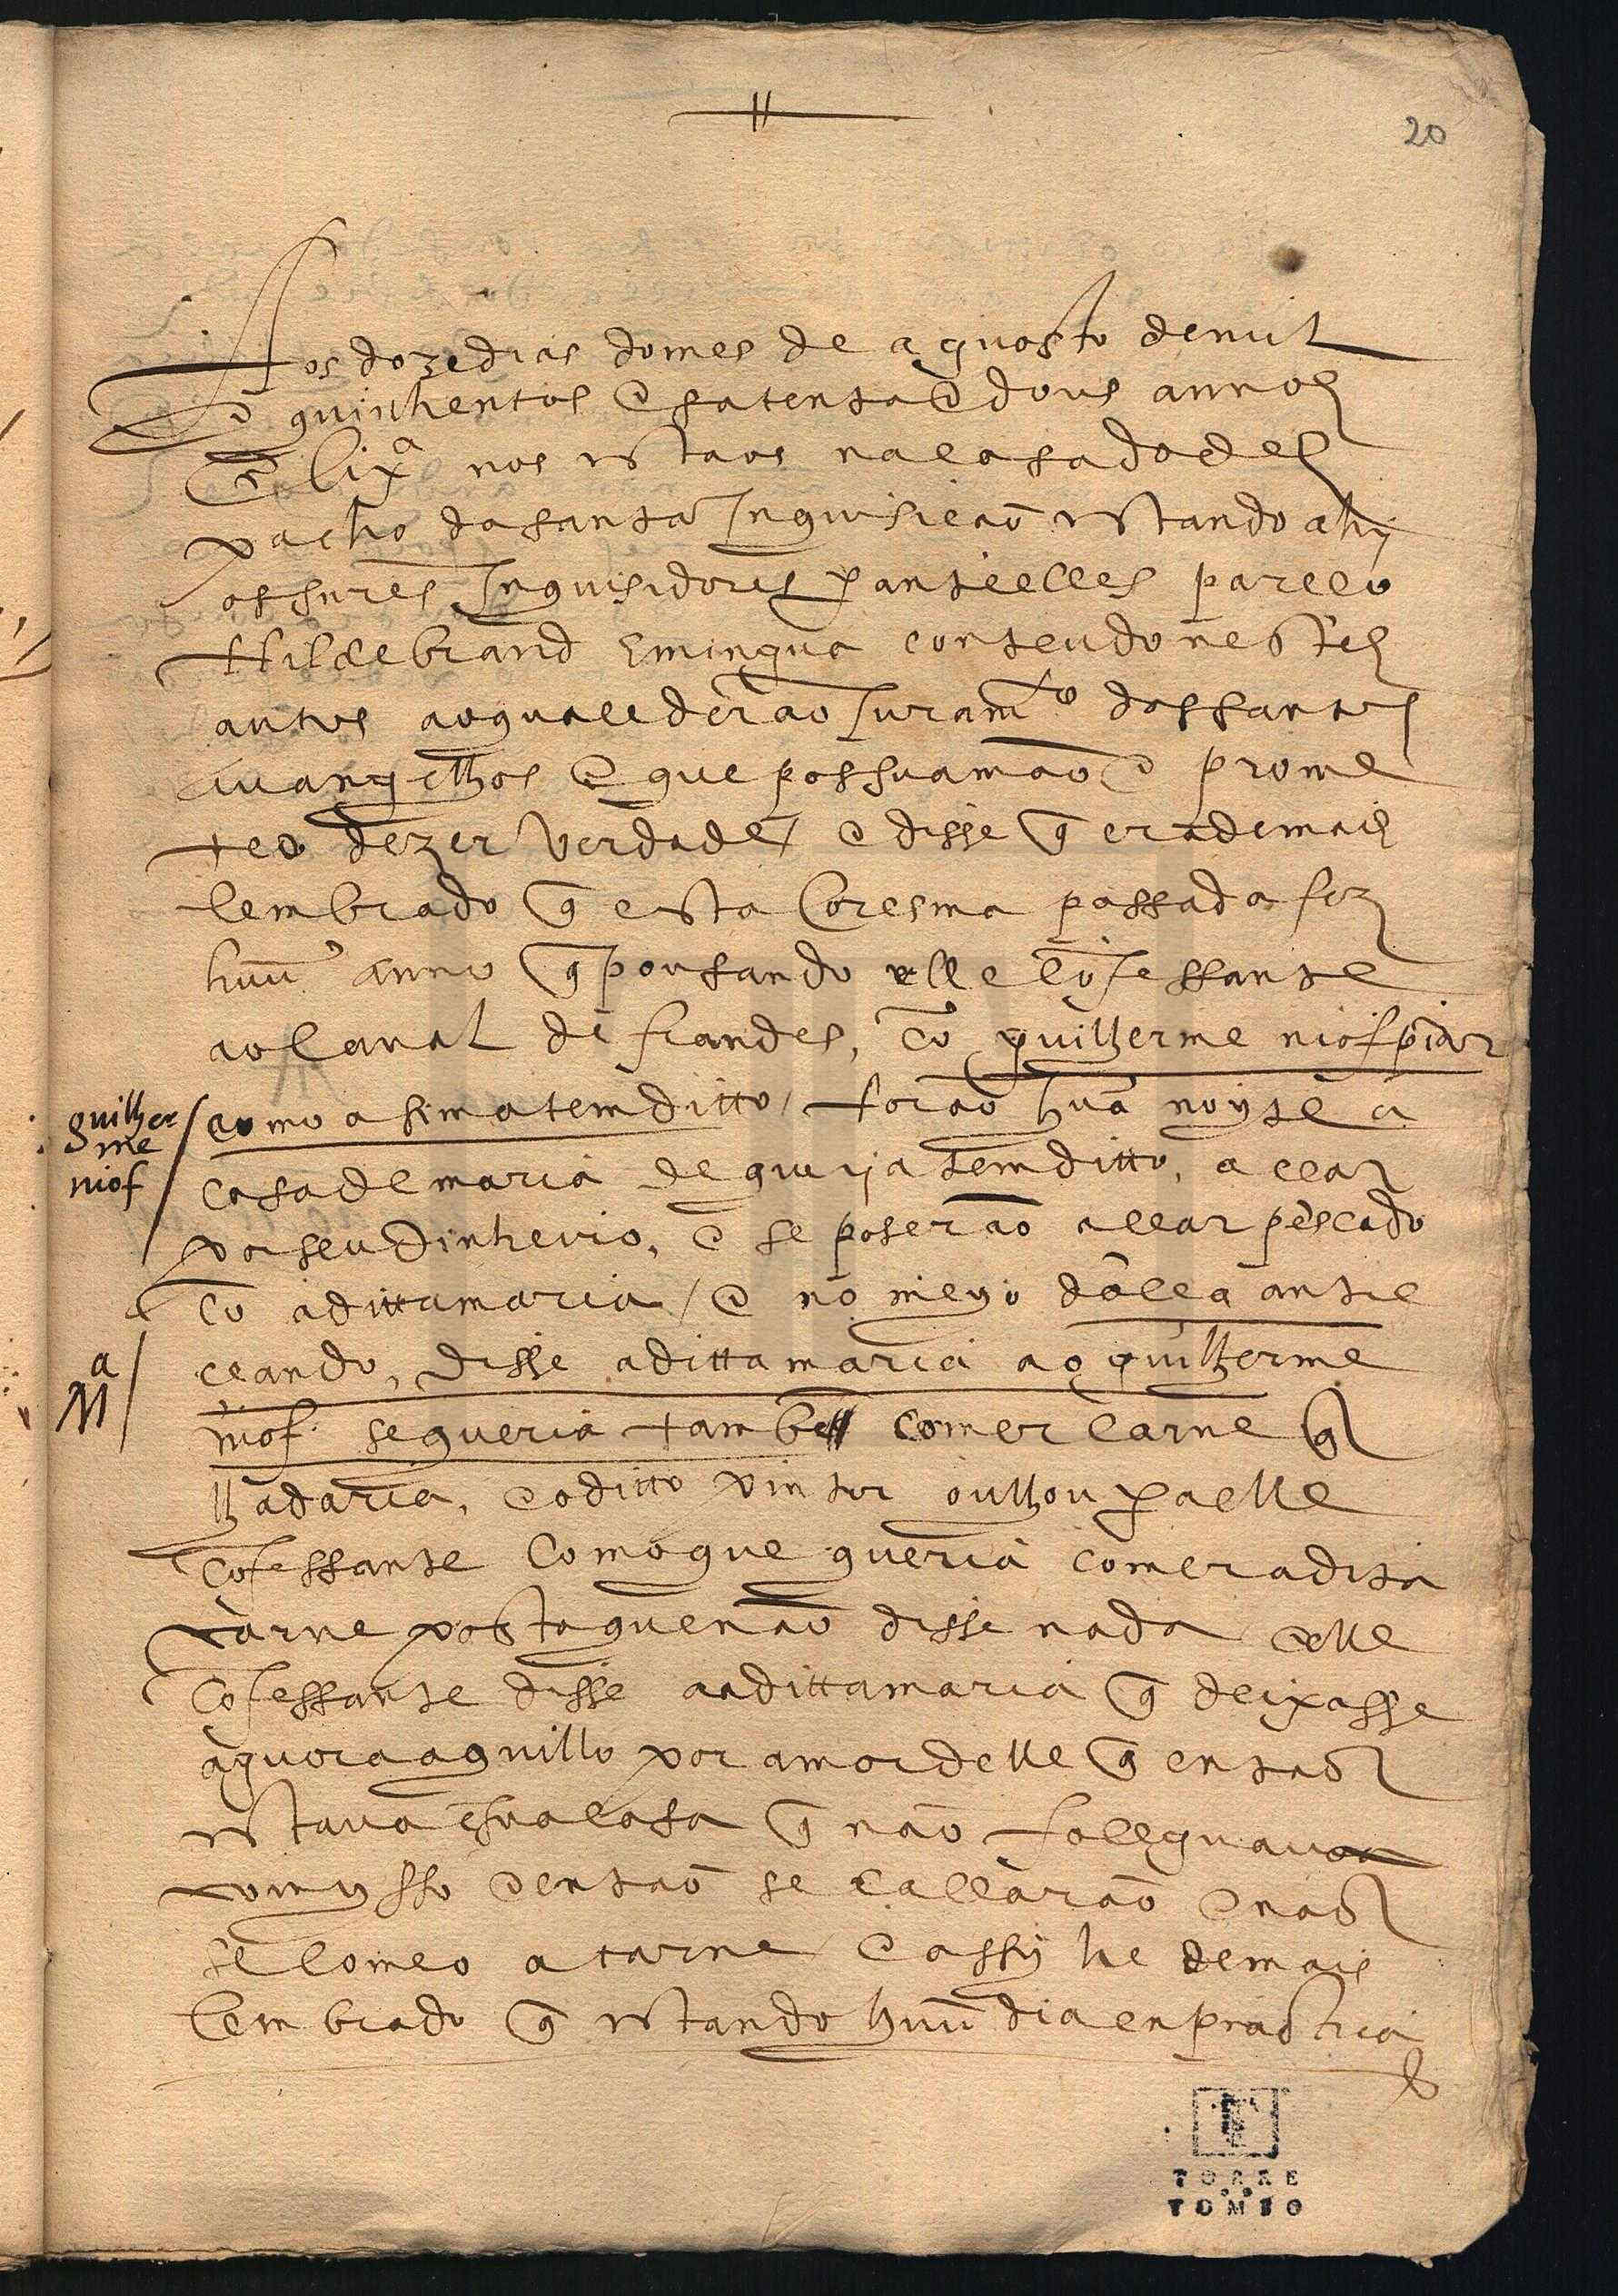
Aos doze dias do mes de aguosto de miL
e quinhentos e satenta e dous annos
ē lixa nos estaos na casa do des
pacho da santa Jnquisição estando ahy
os snr̄es Jnquisidores ꝑante elles pareceo
Hildebrand Emingua conteudo nestes
autos ao quall dei ao Juramto dos santos
auangelhos e que pos sua mão e prome
teo dezer verdade / e disse q̄ era de mais
lembrado q̄ esta Coresma passada fez
hūu anno q̄ pousando elle cōfessante
ao Canal de frandes, cō guilherme niof pītor
como asima tem ditto / forão huā noyte a
guilher
me
niof
casa de maria de guerja tem ditto a cear
por seu dinheiro, e se poserão allar pescado
c̄o a ditta maria / e no meyo dalla antre
ceando, disse a ditta maria ao guilherme
Ma
niof se queria tambē_ comer carne q̄
lha daria, e o ditto pintor oulhou ꝑa elle
cōfessante como que queria comer a dita
carne posta que não disse nada e elle
c̄ofessante disse a ditta maria q̄ deixasse
aguora aquillo por amor delle q̄ entaõ
estaua ē sua casa q̄ não follguaua
com ysso e entaõ se callaraõ e naõ
se comeo a carne e assy he de mais
lembrado q̄ estando huū dia en practica
